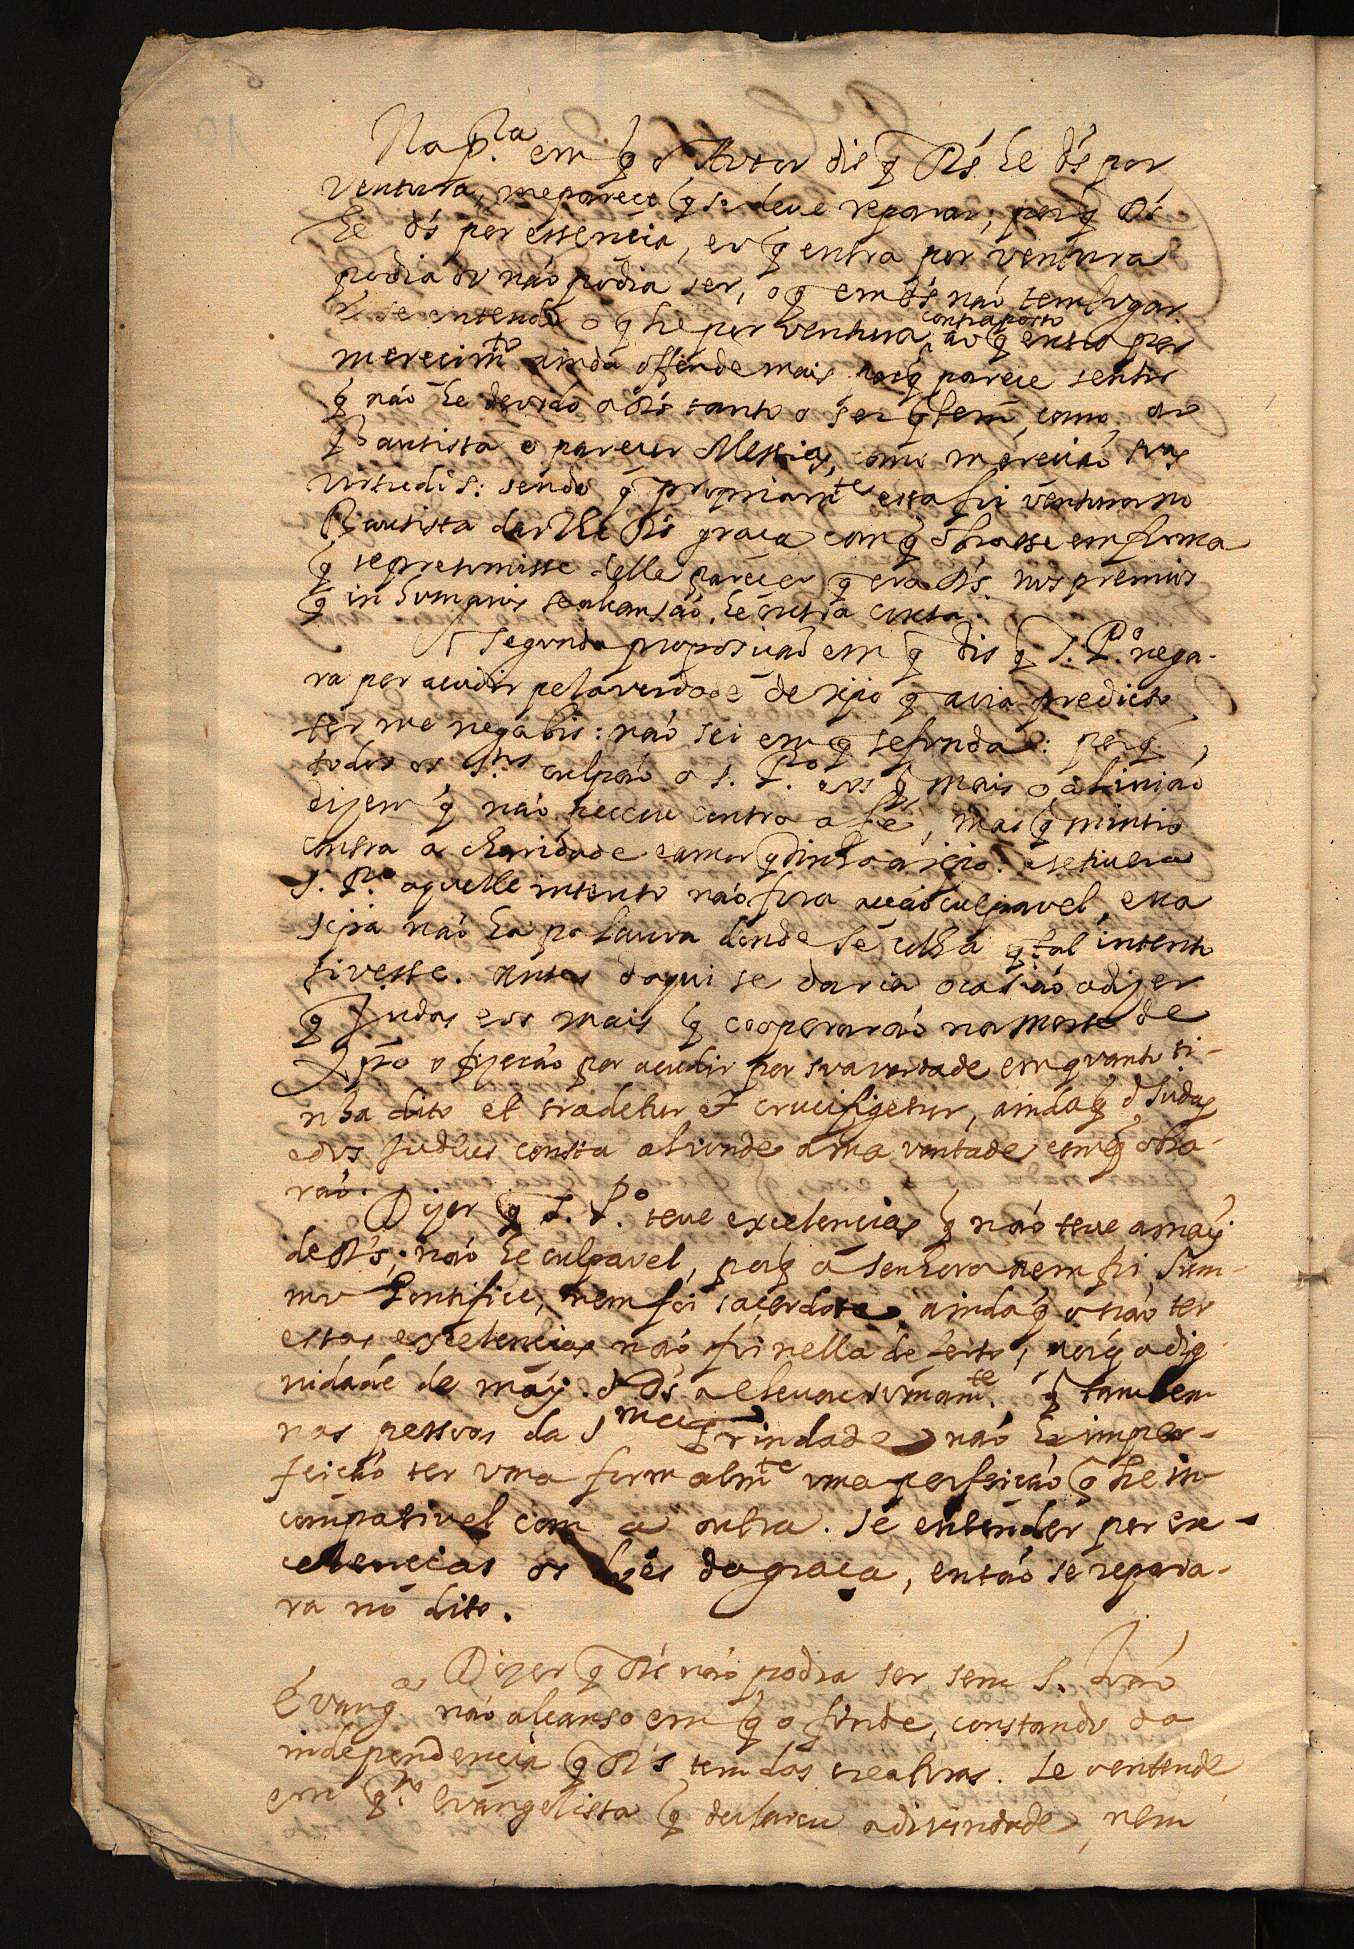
Na p.ra em q̄ o Autor dis q̄ Ds̄ he ds̄ por
ventura, me parece q̄ se deue reparar, porq̄ Ds̄
he ds̄ per essencia, e o q̄ entra por ventura
podia ou naõ podia ser, o q̄ em ds̄ naõ tem logar
e se entend o q̄ he por ventura ao q̄ entra por
contraposto
merecimto ainda offende mais porq̄ parece sentir
q̄ naõ he devido a Ds̄ tanto o ser q̄ tem, como ao
Bautista o parecer Messias, como mereciaõ suas
virtudes. sendo q̄ propriamte esta foi ventura no
Bautista darlhe Ds̄ graça com q̄ obrasse em forma
q̄ se presumisse delle parecer q̄ era Ds̄ nos premios
q̄ inhumanos se alcansaõ. he outra conta.
A segunda proposiçaõ em q̄ dis q̄ s. P.o nega
ra por acudir pela verdade de xpo q̄ avia predicto
ter me negabis: naõ sei em q̄ se funda porq̄
todos os s.tos culpaõ a s. P.o e os q̄ mais o aliuiaõ
dizem q̄ naõ peccou contra a fé, mas q̄ mintio
contra a charidade e amor q̄ tinha a xpo. e se tiuera
S. P.o aquelle intento naõ fora acçaõ culpavel, e na
scp̄a naõ ha palaura donde se colha q̄ tal intento
tivesse. antes daqui se daria ocasiaõ a dizer
q̄ Judas e os mais q̄ cooperaraõ na morte de
Xp̄o o fizeraõ por acudir por sua verdade em quanto ti
nha dito et tradetur et crucifigetur, ainda q̄ d Iudas
e dos Judeus consta ali unde a ma vontade com q̄ obra
raõ.
Dizer q̄ S. P.o teue excelencias q̄ naõ teue a maỹ
de Ds̄, naõ he culpauel, porq̄ a senhora nem foi Sum
mo Pontifice, nem foi sacerdote ainda q̄ o naõ ter
estas excelencias naõ foi nella defeito, aos q̄ a dig
nidade de maỹ d Ds̄ a eleuou sum̄amte q̄ tambem
nas pessoas da Sma Trindade naõ he imper
feiçaõ ter vma formalmte vma perfeiçaõ q̄ he in
compativel com a outra. se entender por ex
celencias os doẽs da graça, entaõ se repara
ra no dito.
Dizer q̄ Ds̄ naõ podia ser sem S. Ioaõ
Evang.a naõ alcanso em q̄ ofende, constando da
independencia q̄ Ds̄ tem das creaturas. Se o entende
emq̄.to evangelista q̄ declarou a divindade, nem
